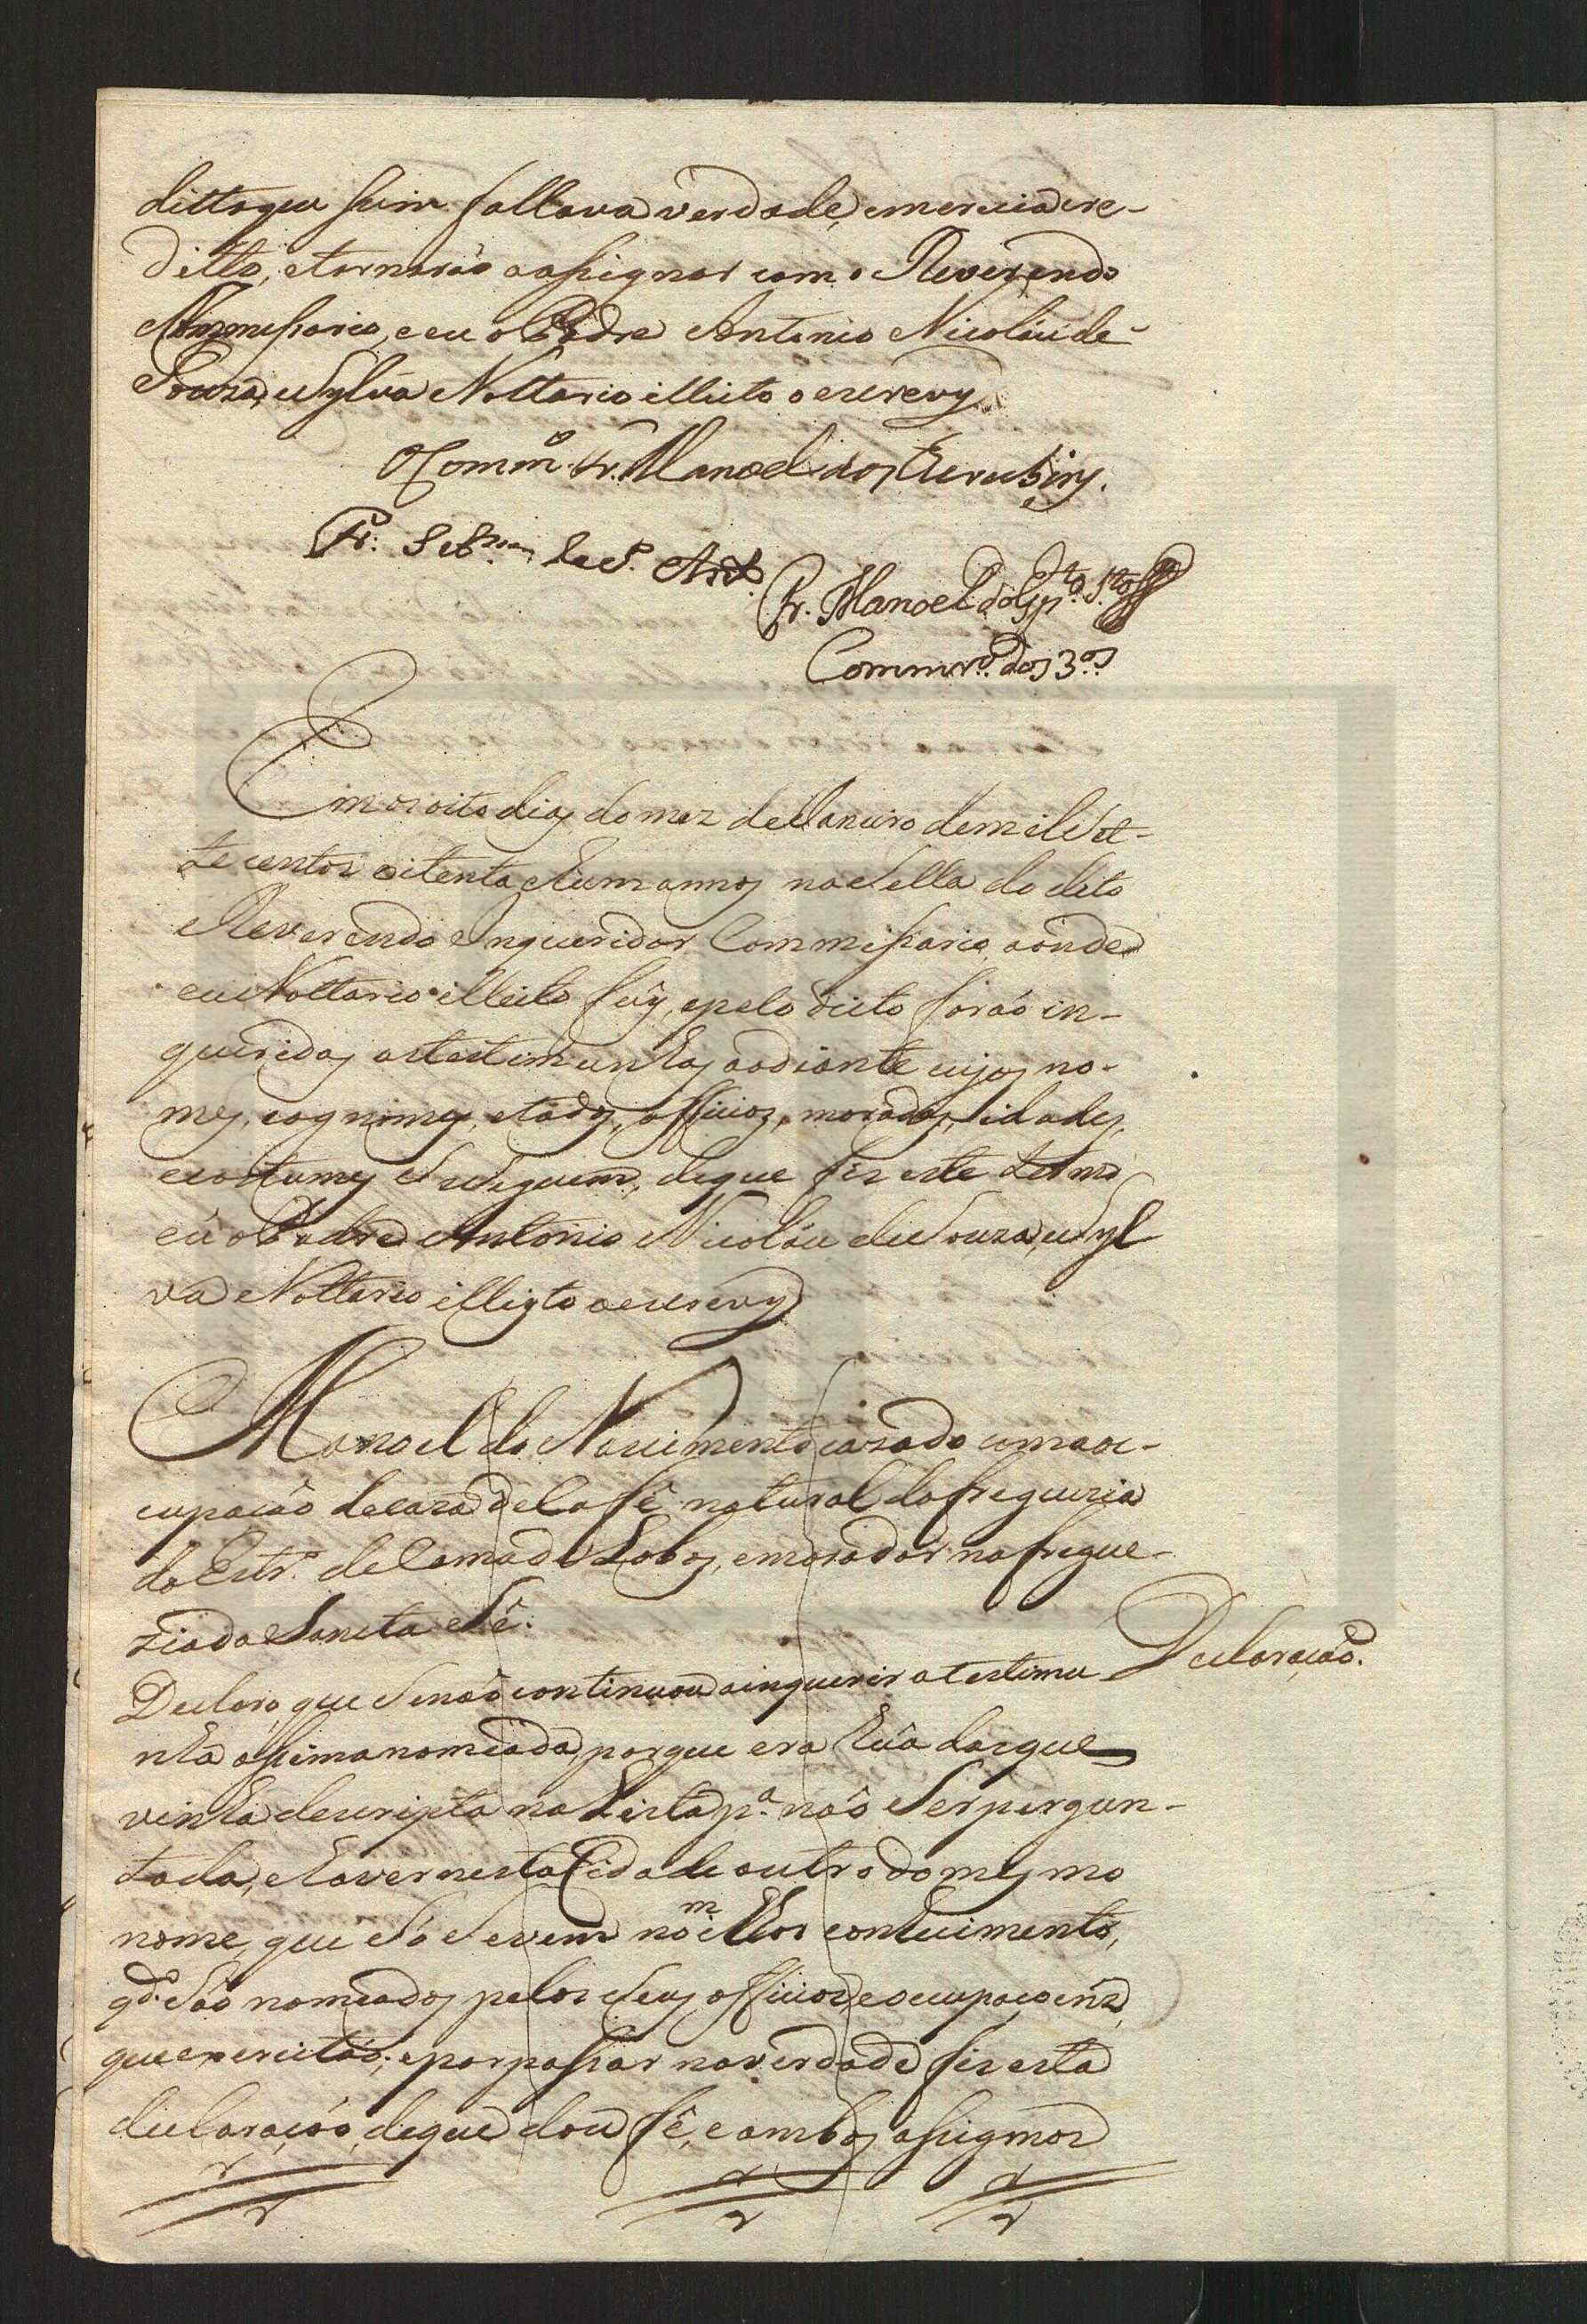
ditto que ssim fallava verdade, e merecia cre
ditto, e tornaraõ a assignar com o Reverendo
Commissario, e eu o Padre Antonio Nicoláu de
Souza, e Sylua Nottario illeito o escrevy.
O Comm.o Fr. Manoel dos Cherubins.
Fr: Seb.m de S. Anto.
Fr. Manoel do Esp.to s.to
Commr.o dos 3.os
Em os oito dias do mez de Ianeiro de mil Se
tecentoz oitenta e hum annos na Sella do dito
Reverendo Inquiridor Commissario, aonde
eu Nottario illeito fuy, e pelo dicto foraõ in
queridas as testimunhas ao diante cujos no
mes, cognomes, e todos officioz, moradas, idades,
e costumes Se seguem, de que fiz este termo
eu o Padre Antonio Nioláu de Souza, e Syl
va Nottario illeyto o escrevy
Manoel do Nascimento cazado com a oc
cupacaõ de caza de Café natural da freguezia
do Estr.o de Cama de Lobos, e morador na fregue
zia da Sancta Sé.
Declaro, que Senaõ continuou a inquirir a testimu P eclaraçaõ
Declaraçaõ.
nha assima nomeada, porque era huā das que
vinha descripta na Lista p.a naõ Ser pergun
tada, e haver nesta Cidade outro do mesmo
nome que Só Se vem no melhor conhecimento,
q.do Sao nomeados pelos Seus, officioz, e occupaçoenz,
que exercitaõ, e por passar na verdade fiz esta
declaração, de que dou fé, e ambos assigmoz
